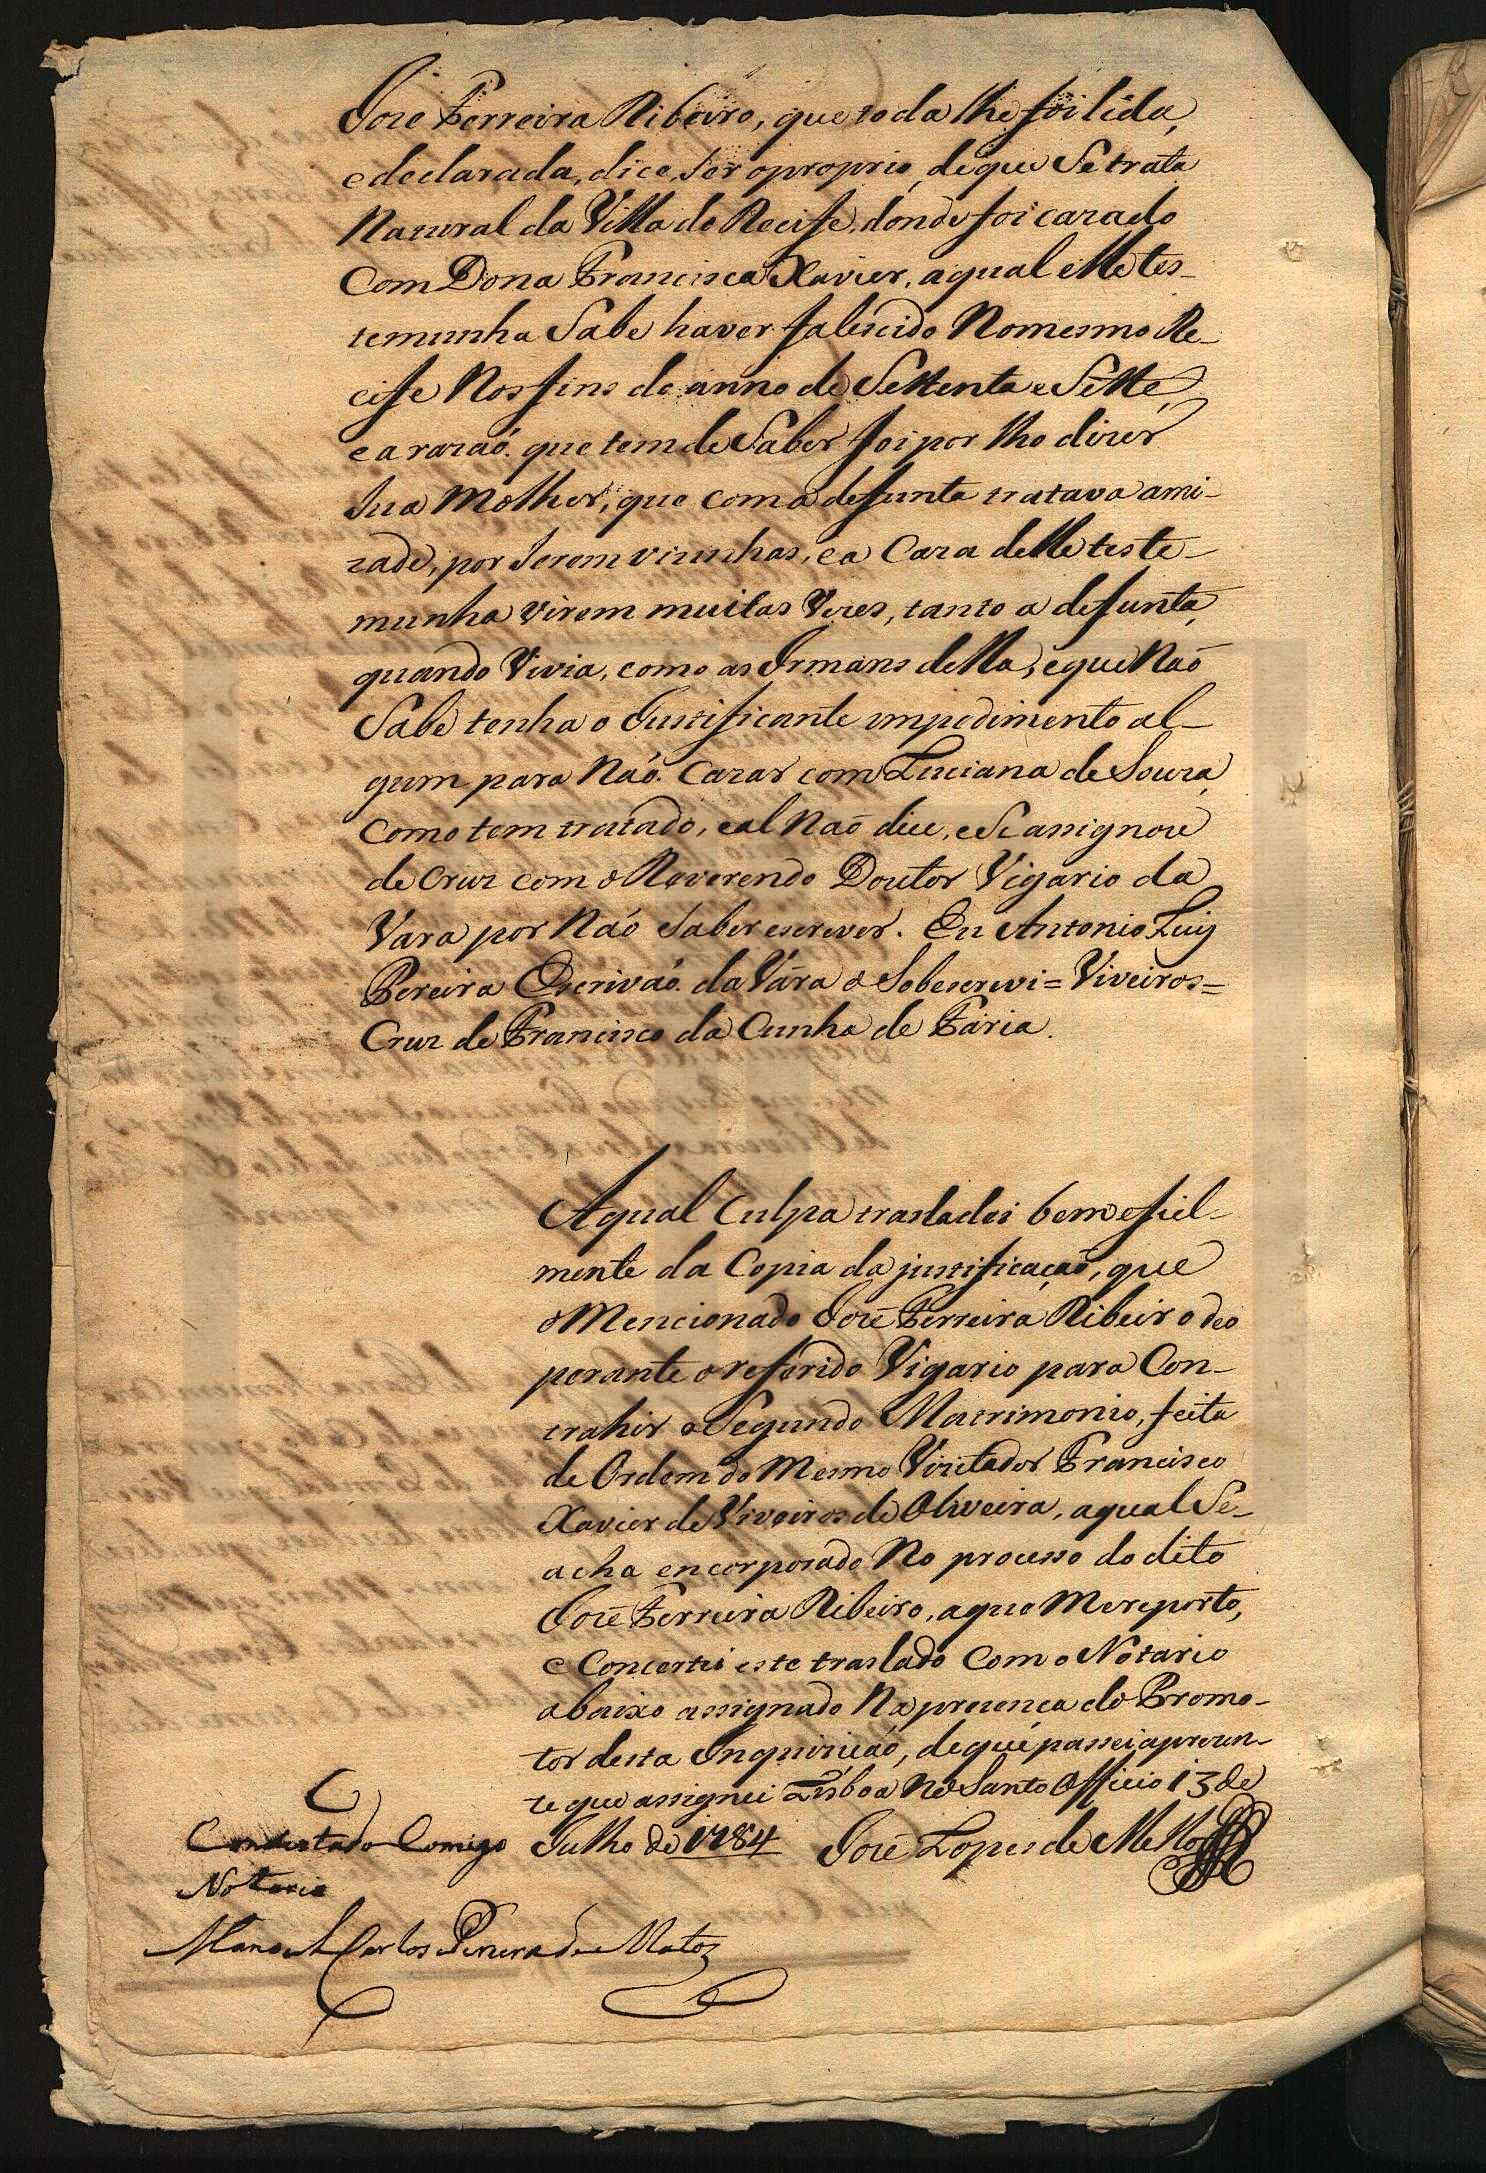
Ioze Ferreira Ribeiro, que toda lhe foi lida,
e declarada, dice, ser o proprio, de que Se trata
Natural da Villa de Recife, donde foi cazado
com Dona Francisca Xavier, a qual elle tes
temunha Sabe haver falecido No mesmo Re
cife Nos fins do anno de Sttenta e Sette
e a razaõ que tem de Saber foi por lho dizer
Sua Molher que com a defunta tratava ami
zade, por Serem vizinhas, e a caza delle teste
munha virem muitas vezes, tanto a defunta
quando Vivia, como as Irmans della, e que Não
Sabe tenha o Iustificante impedimento al
gum para Não. cazar com Luciana de Souza
como tem tratado, e al Não dice e Se assignou
de Cruz com o Reverendo Doutor Vigario da
Vara por Não Saber escrever. Eu Antonio Luis
Pereira Escrivão da Vara o Sobescrevi = Viveiros
Cruz de Francisco da Cunha de Faria.
A qual culpa trasladei bem fiel
mente da Copia da justificação, que
o Mencionado Iozé Ferreira Ribeiro deo
perante o referido Vigario para Con
trahir o Segundo Matrimonio, feita
de Ordem do Mesmo Vizitador Francisco
Xavier de Viveiros de Oliveira, a qual Se
acha encorporado No processo do dito
Iozé Ferreira Ribeiro, a que Me reporto,
e Concertei este traslado Com o Notario
abaixo assignado Na prezença do Promo
tor desta Inquizição, de que passei aprezen
te que assignei Lisboa No Santo officio 13 de
Contestado Comigo
Iulho de 1784 Iozé Lopes de Mello
Notario
Manoel Carlos Pereira de Matoz
